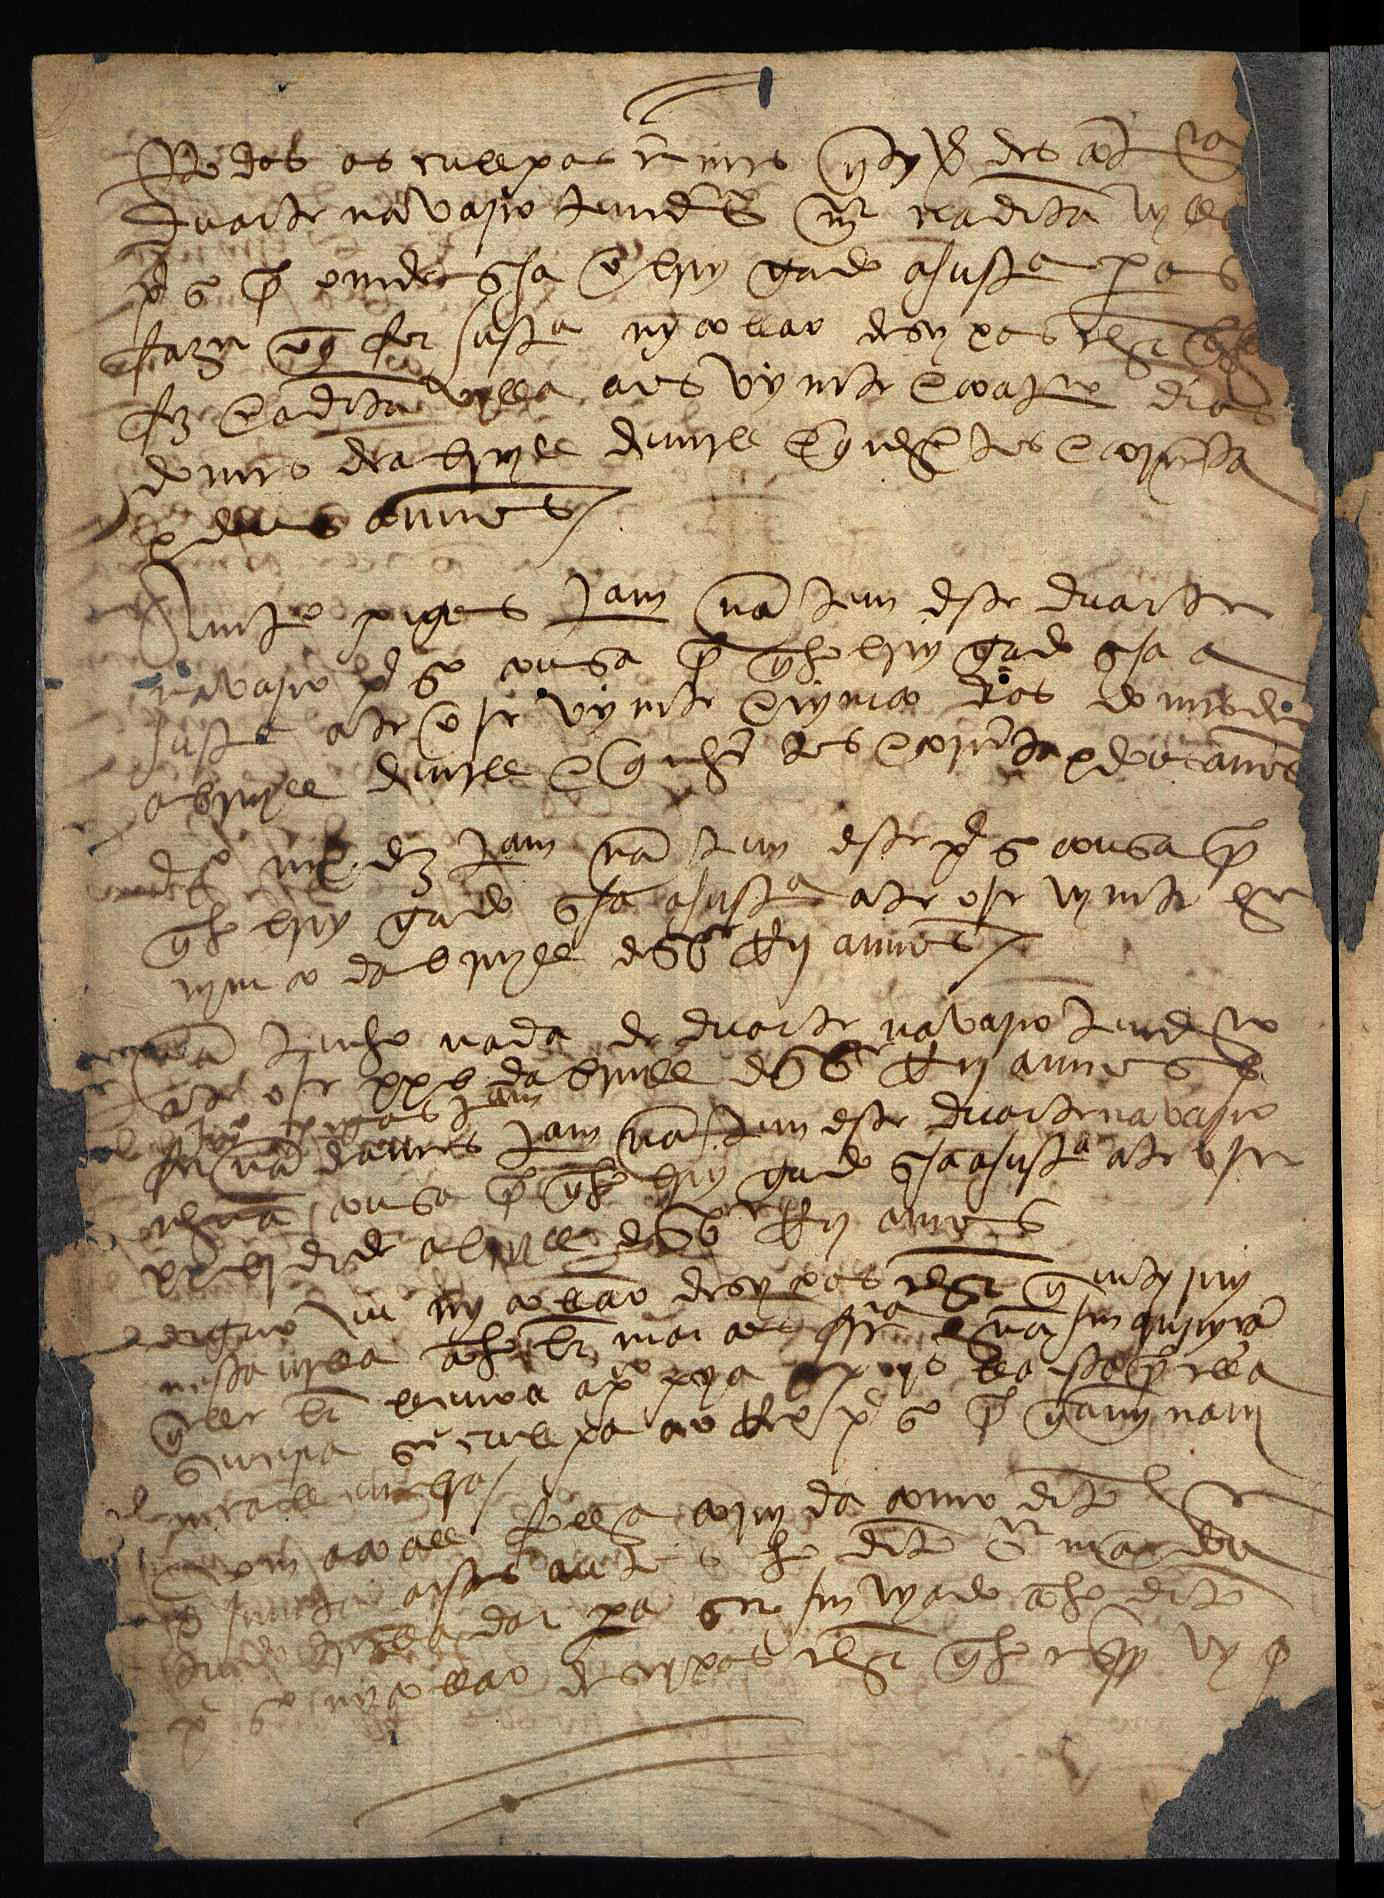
E todas as cullpas c̄mes q̄ tyꝟdes c̄otra
duarte navaro temdro mor na dita vyll
p̄so p̄o omde seJa obrygado a Justa ꝑa s
fazer o q̄ for Justa nycollao de seyxas c̄hr q̄ ho
fiz ē a dita vylla aos vymte e coatro dias
do mes de abryll de mjll e q̄nhētos e corēta
e dous annos /
Amto piges tam nā tem deste duarte
navaro p̄so cousa p̄o q̄ hobrygado seJa a
Justa ate oje vymte e cymco dias do mes de
abryll de mjll e q̄nhētos e corēta e dous annos
djo mēdez tam nā tem deste p̄so cousa p̄o
q̄ hobrygado seJa a Justa ate oJe vymte he
cymco dabryll de j̄bc Rij annos /
nā tenho nada de duarte navaro tendro
ate oJe xxb dabryll de j̄bc Rij annos
Jmo pigas tam
fernā deannes tam nā tem deste duarte navaro
nhūa cousa p̄o q̄ hobrygado seJa a Justa ate oJe
xxbj di de abryll de j̄ bc Rij annos
diguo eu nycollao de syxas c̄hr q̄ eu tyrey
nesta ujlla c̄o ho b̄r marcos frrra hūa Jmqujryçā
q̄ elle b̄r lleuou a propya e poys lla esta p̄o ella
se uera sē cullpa ao Reo p̄so p̄o q̄ a m̄j nam
me allembra /
Com a coall folha coryda como dito he
e Jumta a estes autos ho dito Cor mādou
tudo trelladar ꝑa ser Jmvyado c̄o ho dito
p̄so nycollao de seyxas c̄hr q̄ ho esp̄vy
